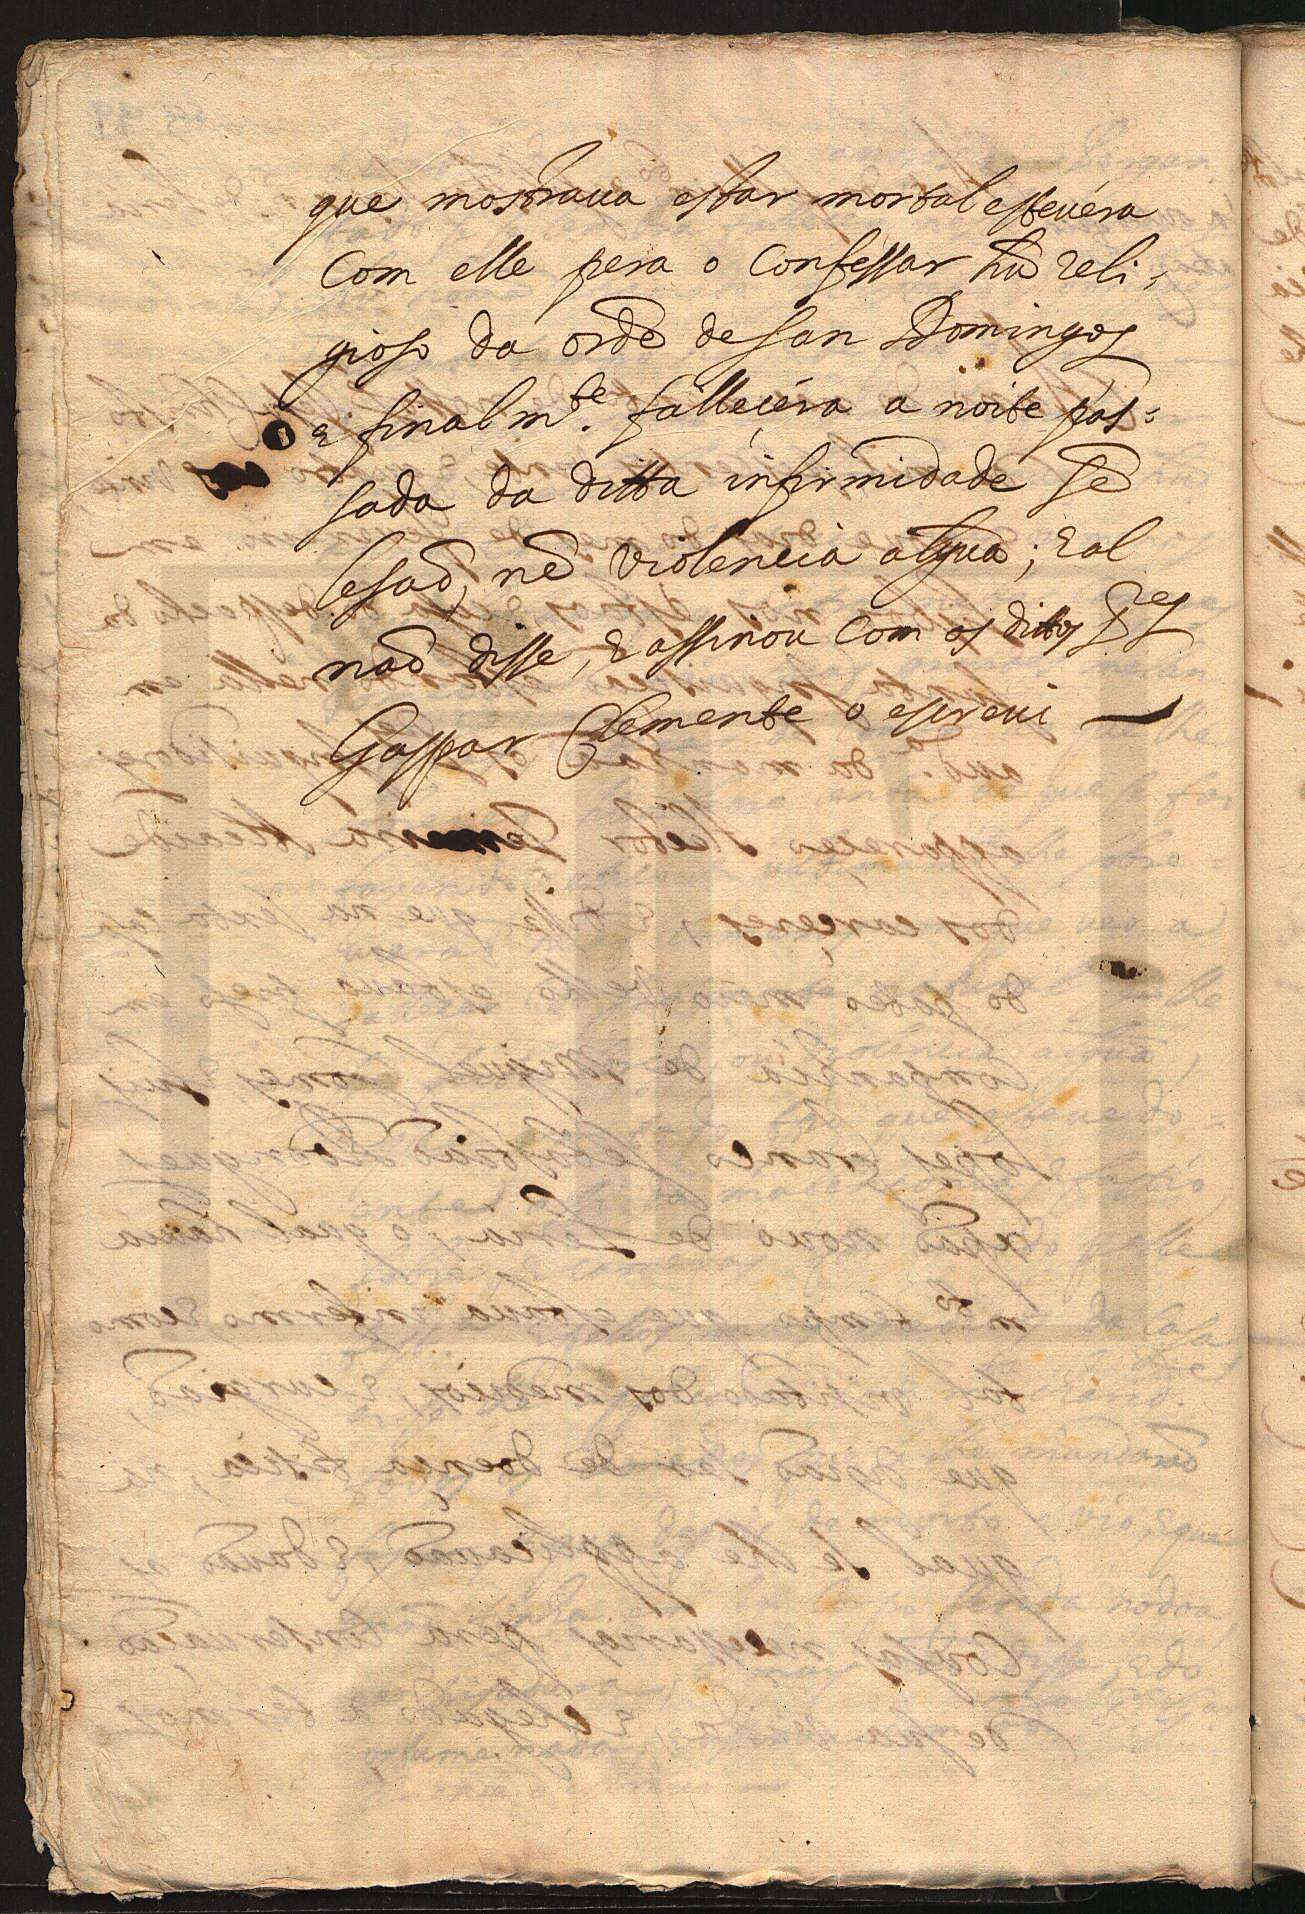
que mostraua estar mortal esteuera
com elle pera o confessar hū reli
gioso da ordē de san Domingos
E finalm.te falleçera a noite pas
sada da ditta infirmidade sē
lesaõ, nē violencia alguā; E al
naõ disse, E assinou com os dittos s.res
Gaspar Clemente o escreui
